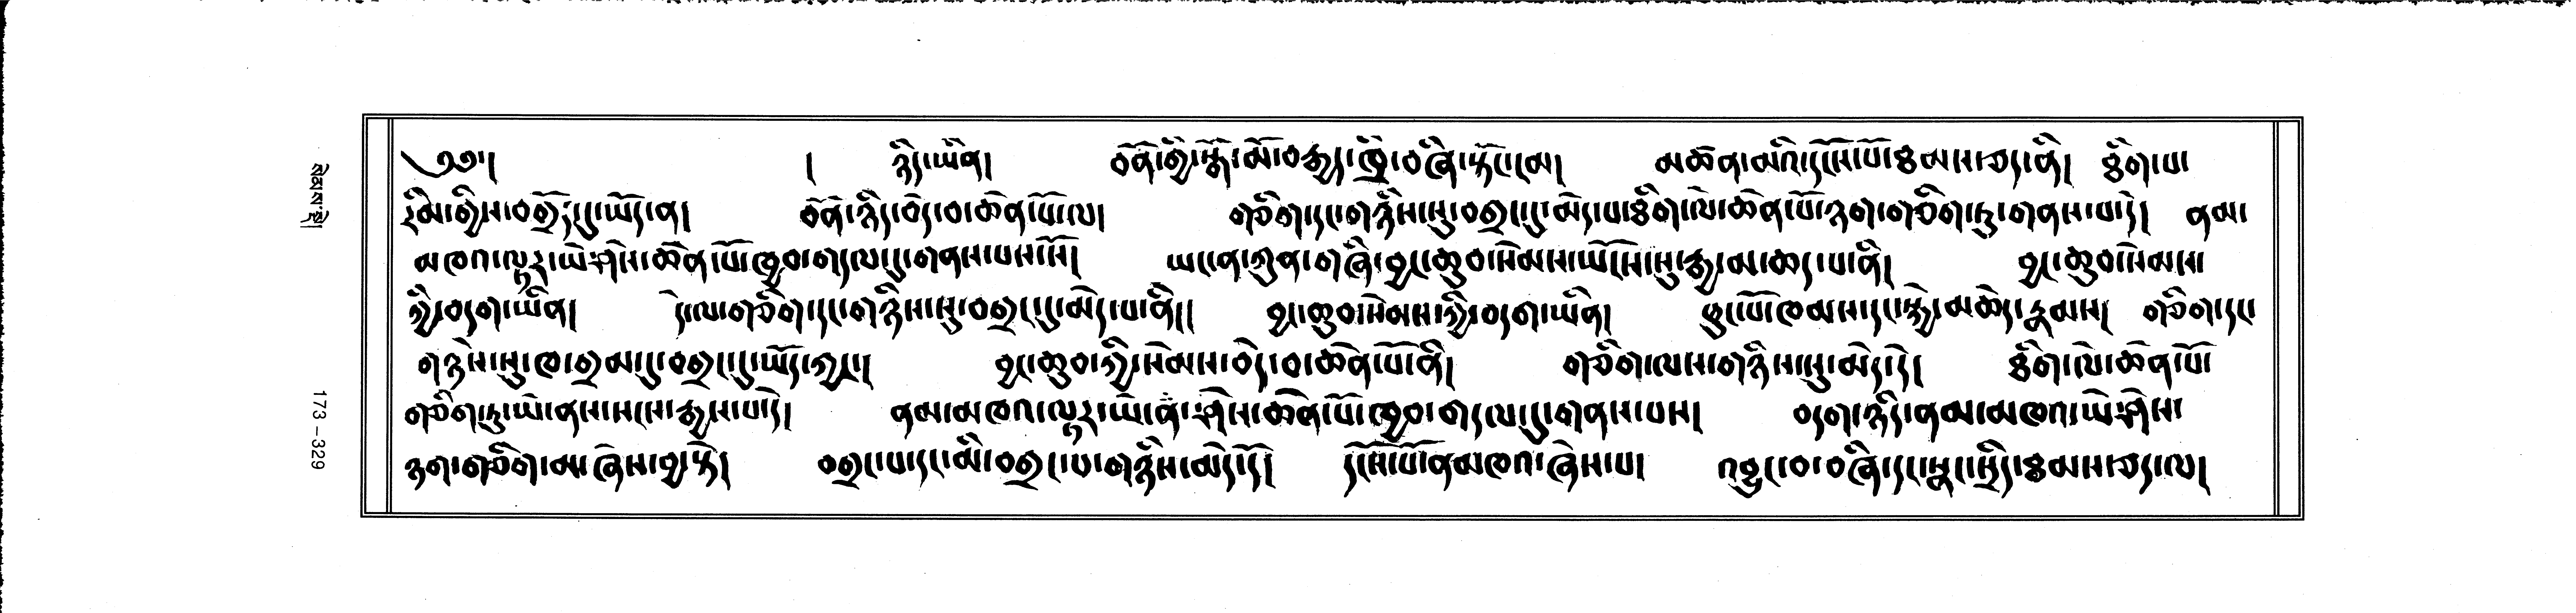ཉིད་ཡིན། བོན་གྱི་སྒོ་མོ་བརྒྱད་ཁྲི་བཞི་སྟོང་ངམ། མཚན་མའི་དངོས་པོ་ཐམས་ཅད་ནི། ཐེག་པ་
རིམ་གྱིས་བགྲོད་དུ་ཡོད་ན། བོན་ཉིད་བདེ་བ་ཆེན་པོ་ལ། གཅིག་དང་གཉིས་སུ་བགྲང་དུ་མེད་པ་ཐིག་ལེ་ཉག་གཅིག་ཏུ་གནས་པ་དེ། ནམ་
མཁའ་ལྟར་ཡེ་ཤེས་ཆེན་པོ་ཁྱབ་བདལ་དུ་གནས་པས་སོ། །ཡང་ན་ཀུན་གཞི་བྱང་ཆུབ་སེམས་ཡོངས་སུ་རྒྱ་མ་ཆད་པ་ནི། བྱང་ཆུབ་སེམས་
ཀྱི་བདག་ཡིན། དེ་ལ་གཅིག་དང་གཉིས་སུ་བགྲང་དུ་མེད་པ་ནི། བྱང་ཆུབ་སེམས་ཀྱི་བདག་ཡིན། ཕུང་པོ་ཁམས་དང་སྐྱེ་མཆེད་རྣམས། གཅིག་དང་
གཉིས་སུ་ཁ་གྲམ་དུ་བགྲང་དུ་ཡོད་ཀྱང་། བྱང་ཆུབ་ཀྱི་སེམས་བདེ་བ་ཆེན་པོ་ནི། གཅིག་ལས་གཉིས་སུ་མེད་དེ། ཐིག་ལེ་ཆེན་པོ་
གཅིག་ཏུ་ཡེ་ནས་སངས་རྒྱས་པ་དེ་ནམ་མཁའ་ལྟར་ཡེ་ཤེས་ཆེན་པོ་ཁྱབ་བདལ་དུ་གནས་པས། བདག་ཉིད་ནམ་མཁའ་ཡེ་ཤེས་
ཉག་གཅིག་མ་ཞེས་བྱ་སྟེ། བགྲང་བ་དང་མི་བགྲང་བ་གཉིས་མེད་དོ། །དངོས་པོ་ནམ་མཁའ་ཞེས་པ། འབྱུང་བ་བཞི་དང་སྣང་སྲིད་ཐམས་ཅད་ལ།